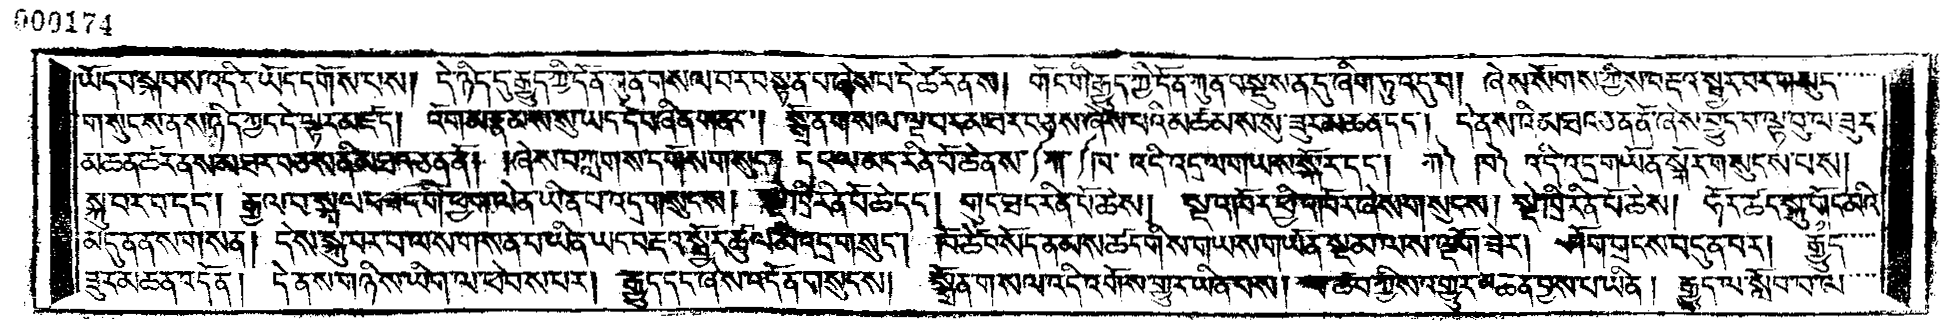ཡོད་པ་སྐབས་འདིར་ཡོང་དགོས་པས། དེ་ཉིད་དུ་རྒྱུད་ཀྱི་དོན་ཀུན་གསལ་བར་བསྟན་པ་ཞེས་པ་དེ་ཚར་ནས། གོང་གི་རྒྱུད་ཀྱི་དོན་ཀུན་བསྡུས་ན་དུ་ཞིག་ཏུ་འདུ་བ། ཞེས་སོགས་ཀྱིས་བརྡའ་སྦྱར་བར་གསུང་
གསུངས་ནས་ཉིད་ཀྱང་དེ་ལྟར་མཛད། འོག་མ་རྣམས་སུ་ཡང་དེ་བཞིན་གནང་། སྒྲོན་གསལ་ལྔ་བར་མཐར་བཅས་ཞེས་པའི་མཚམས་སུ་ཟུར་མཆན་དང་། དེ་ནས་འི་མཐའ་ཅན་ནོ་ཞེས་བྱུང་བ་ལྟ་བུ་ལ་ཟུར་
མཆན་ཚར་ནས་མཐར་བཅས་ནི་མཐའ་ཅན་ནོ། །ཞེས་བཀླགས་དགོས་གསུང་། དཔལ་མང་རིན་པོ་ཆེ་ནས ༼ཀ་༽ཁ་འདི་འདྲ་ལ་གཡས་སྐོར་དང་། ཀ༼་ཁ༽ འདི་འདྲ་གཡོན་སྐོར་གསུངས་པས།
སྐུ་བར་བ་དང་། རྒྱལ་བ་སྐལ་བཟང་གི་ཕྱག་ལེན་ཡིན་པ་འདྲ་གསུངས། སྡེ་ཁྲི་རིན་པོ་ཆེ་དང་། གུང་ཐང་རིན་པོ་ཆེས། སྔ་འཁོར་ཕྱི་འཁོར་ཞེས་གསུངས། སྡེ་ཁྲི་རིན་པོ་ཆེས། ཧོར་ཚང་སྐུ་གོང་མའི་
མདུན་ནས་གསན། དེས་སྐུ་བར་བ་ལས་གསན་པ་ཡིན་ཡང་བརྡའ་སྦྱོར་ཚུལ་མི་འདྲ་གསུང་། ཁོ་ཚེ་བསོད་ནམས་ཚང་གིས་གཡས་གཡོན་སྔ་མ་ལས་ལྡོག་ཟེར། ཤོག་གྲངས་བདུན་པར། {༡}རྒྱུད་?
ཟུར་མཆན་འདོན། དེ་ནས་གཉིས་ཡིག་ལ་ཕེབས་པར། རྒྱུད་དང་ཞེས་འདོན་གསུངས། སྒྲོན་གསལ་འདི་འགོས་གྱུར་ཡིན་པས། བ་ཚབ་ཀྱིས་འགྱུར་མཚན་བྱས་པ་ཡིན། རྒྱུད་ལ་སློབ་པ་ལ་